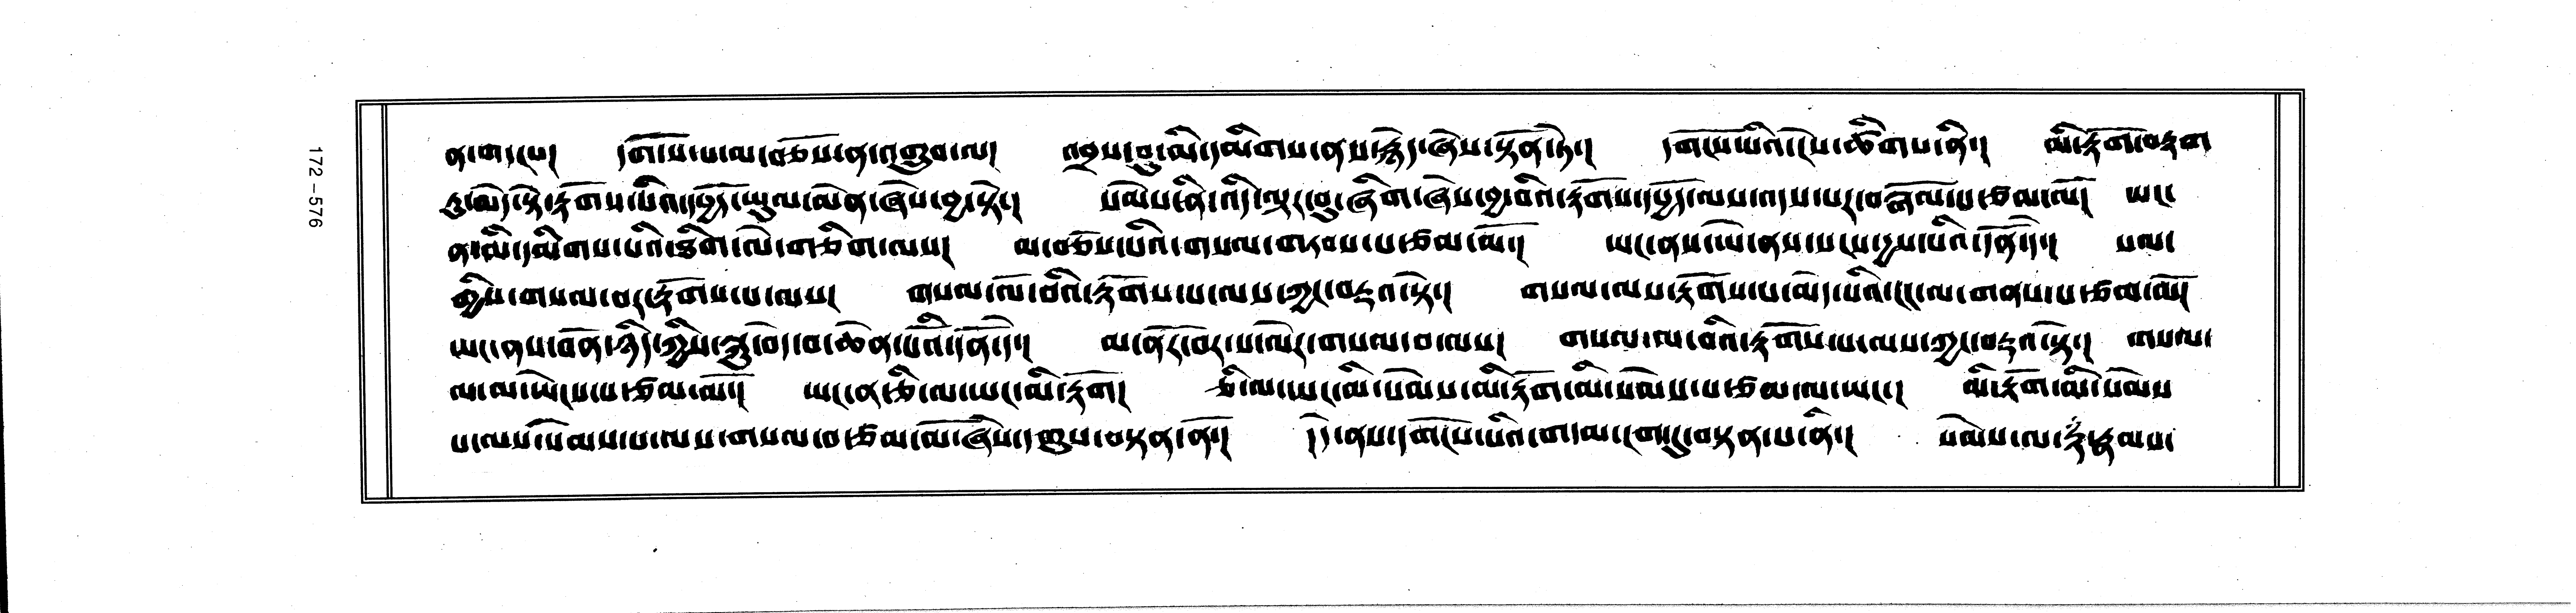ན་དྭངས། དགོངས་པ་མ་བཅོས་ན་འགྲུབ་ལ། འབྲས་བུ་མི་དམིགས་ནས་རྙེད་ཞེས་སྟོན་ཏེ། དགོངས་པའི་ངེས་ཚིགས་ནི། མི་རྟོགས་བརྟགས་
ཏུ་མེད་སྟེ་རྟོགས་པའི་དཔྱོད་ཡུལ་མེན་ཞེས་བྱ་སྟེ། སེམས་ནི་འདི་ལྟར་བུ་ཞིག་ཞེས་བྱ་བའི་རྟོགས་དཔྱོད་ལས་འདས་པར་བསྒོམ་པ་ཙམ་མོ། ཡང་
ན་མི་དམིགས་པའི་ཐིག་ལེ་གཅིག་ལས། མ་བཅོས་པའི་གསལ་གཏབས་པ་ཙམ་མོ། ཡང་ནས་ཡེ་ནས་སངས་རྒྱས་པའི་དོན་དེ། སལ་
གྱིས་གསལ་བར་རྟོགས་པ་ལས། གསལ་ལོ་བའི་རྟོགས་པ་ལས་ཀྱང་བརྡའ་སྟེ། གསལ་ལས་རྟོགས་པ་མེད་པའི་ངང་ལ་གནས་པ་ཙམ་མོ། 
ཡང་ནས་བོན་ཉིད་ཀྱིས་སྐུ་བདེ་བ་ཆེན་པོའི་དོན་དེ། མ་ནོར་བར་ས་ལེར་གསལ་བ་ལས། གསལ་ལོ་བའི་རྟོགས་པ་ལས་ཀྱང་བརྡའ་སྟེ། གསལ་
མ་གཡེངས་པ་ཙམ་མོ། ཡང་ན་ཅི་ལ་ཡང་མི་རྟོགས། ཅི་ལ་ཡང་མི་སེམས་མི་རྟོགས་མི་སེམས་པ་ཙམ་ལ་ཡང་། མི་རྟོགས་མི་སེམས་
པ་ལས་སེམས་པ་ལས་གསལ་བ་ཙམ་མོ་ཞེས་དགུས་བསྟན་ནོ། དེ་ནས་དགོངས་པའི་གདམ་ངག་དུ་བསྟན་པ་ནི། སེམས་ལ་རྣམ་